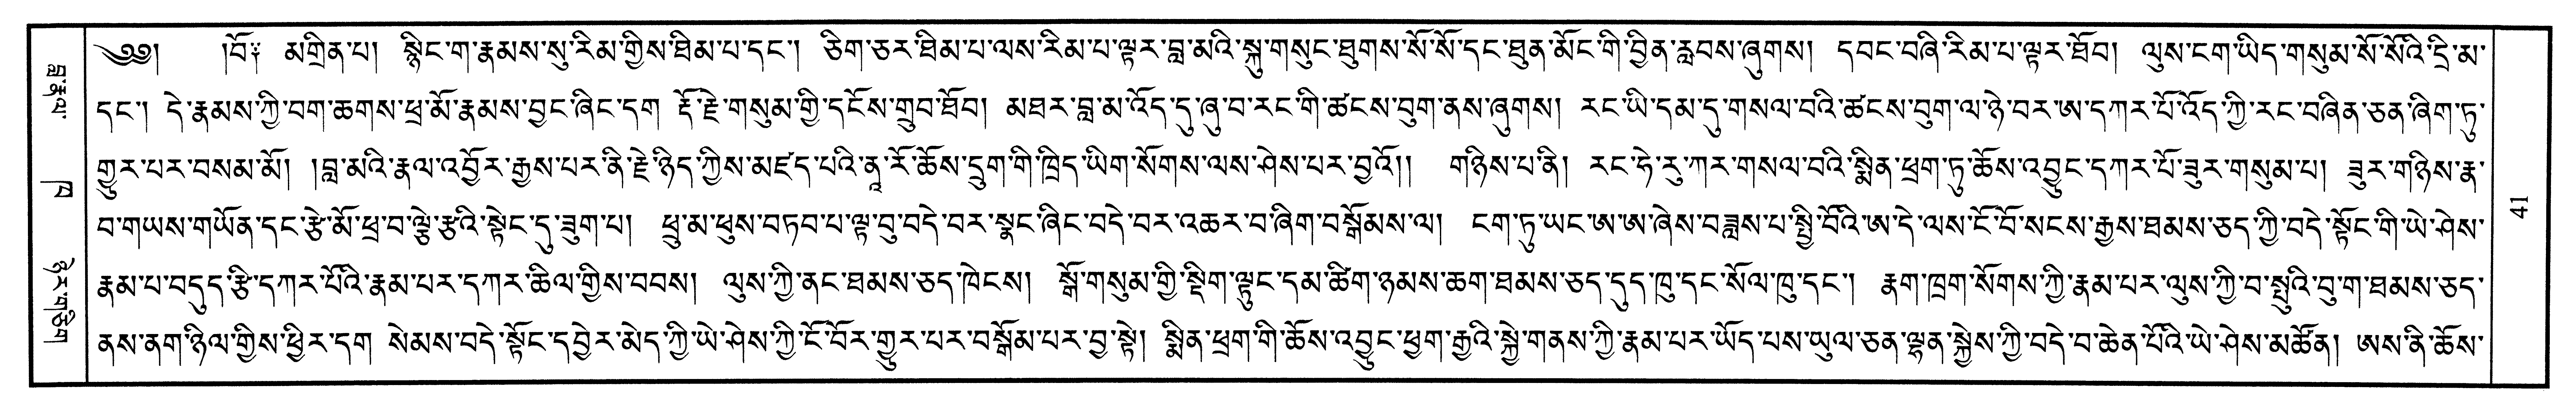༄༅། །བོ༑ མགྲིན་པ། སྙིང་ག་རྣམས་སུ་རིམ་གྱིས་ཐིམ་པ་དང་། ཅིག་ཅར་ཐིམ་པ་ལས་རིམ་པ་ལྟར་བླ་མའི་སྐུ་གསུང་ཐུགས་སོ་སོ་དང་ཐུན་མོང་གི་བྱིན་རླབས་ཞུགས། །དབང་བཞི་རིམ་པ་ལྟར་ཐོབ། །ལུས་ངག་ཡིད་གསུམ་སོ་སོའི་དྲི་མ་
དང་། དེ་རྣམས་ཀྱི་བག་ཆགས་ཕྲ་མོ་རྣམས་བྱང་ཞིང་དག་རྡོ་རྗེ་གསུམ་གྱི་དངོས་གྲུབ་ཐོབ། །མཐར་བླ་མ་འོད་དུ་ཞུ་བ་རང་གི་ཚངས་བུག་ནས་ཞུགས། རང་ཡི་དམ་དུ་གསལ་བའི་ཚངས་བུག་ལ་ཉེ་བར་ཨ་དཀར་པོ་འོད་ཀྱི་རང་བཞིན་ཅན་ཞིག་ཏུ་
གྱུར་པར་བསམ་མོ། །བླ་མའི་རྣལ་འབྱོར་རྒྱས་པར་ནི་རྗེ་ཉིད་ཀྱིས་མཛད་པའི་ནཱ་རོ་ཆོས་དྲུག་གི་ཁྲིད་ཡིག་སོགས་ལས་ཤེས་པར་བྱའོ། །གཉིས་པ་ནི། རང་ཧེ་རུ་ཀར་གསལ་བའི་སྨིན་ཕྲག་ཏུ་ཆོས་འབྱུང་དཀར་པོ་ཟུར་གསུམ་པ། ཟུར་གཉིས་རྣ་
བ་གཡས་གཡོན་དང་རྩེ་མོ་ཕྲ་བ་ལྕེ་རྩའི་སྟེང་དུ་ཟུག་པ། ཕྲུ་མ་ཕུས་བཏབ་པ་ལྟ་བུ་བདེ་བར་སྣང་ཞིང་བདེ་བར་འཆར་བ་ཞིག་བསྒོམས་ལ། །ངག་ཏུ་ཡང་ཨ་ཨ་ཞེས་བཟླས་པ་སྤྱི་བོའི་ཨ་དེ་ལས་ངོ་བོ་སངས་རྒྱས་ཐམས་ཅད་ཀྱི་བདེ་སྟོང་གི་ཡེ་ཤེས་
རྣམ་པ་བདུད་རྩི་དཀར་པོའི་རྣམ་པར་དཀར་ཆིལ་གྱིས་བབས། ལུས་ཀྱི་ནང་ཐམས་ཅད་ཁེངས། །སྒོ་གསུམ་གྱི་སྡིག་ལྟུང་དམ་ཚིག་ཉམས་ཆག་ཐམས་ཅད་དུད་ཁུ་དང་སོལ་ཁུ་དང་། རྣག་ཁྲག་སོགས་ཀྱི་རྣམ་པར་ལུས་ཀྱི་བ་སྤུའི་བུ་ག་ཐམས་ཅད་
ནས་ནག་ཉིལ་གྱིས་ཕྱིར་དག །སེམས་བདེ་སྟོང་དབྱེར་མེད་ཀྱི་ཡེ་ཤེས་ཀྱི་ངོ་བོར་གྱུར་པར་བསྒོམ་པར་བྱ་སྟེ། སྨིན་ཕྲག་གི་ཆོས་འབྱུང་ཕྱག་རྒྱའི་སྐྱེ་གནས་ཀྱི་རྣམ་པར་ཡོད་པས་ཡུལ་ཅན་ལྷན་སྐྱེས་ཀྱི་བདེ་བ་ཆེན་པོའི་ཡེ་ཤེས་མཚོན། ཨས་ནི་ཆོས་